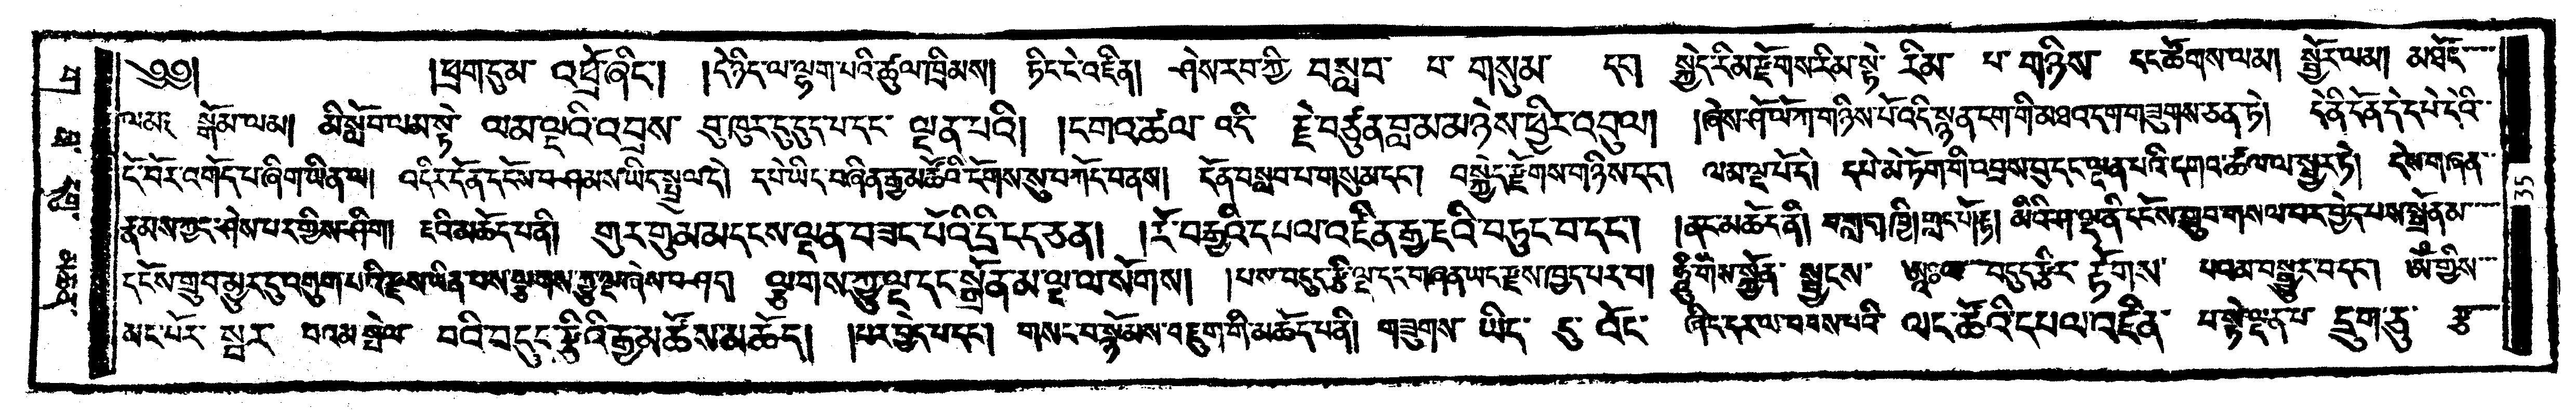༄༅། །ཕྲག་དུ་མ་འཕྲོ་ཞིང་། །དེ་ཉིད་ལ་ལྷག་པའི་ཚུལ་ཁྲིམས། ཏིང་ངེ་འཛིན། ཤེས་རབ་ཀྱི་བསླབ་པ་གསུམ་དང་། སྐྱེད་རིམ་རྫོགས་རིམ་སྟེ་རིམ་པ་གཉིས་དང་ཚོགས་ལམ། སྦྱོར་ལམ། མཐོང་
ལམ༑ སྒོམ་ལམ། མི་སློབ་ལམ་སྟེ་ལམ་ལྔའི་འབྲས་བུ་ཁུར་དུ་དུད་པ་དང་ལྡན་པའི། །དགའ་ཚལ་འདི་རྗེ་བཙུན་བླ་མ་མཉེས་ཕྱིར་འབུལ། །ཞེས་ཤོ་ལོ་ཀ་གཉིས་པོ་འདི་སྙན་ངག་གི་མཐའ་དག་གཟུགས་ཅན་ཏེ། དེ་ནི་དོན་དེ་དཔེ་དེའི་
ངོ་བོར་འགོད་པ་ཞིག་ཡིན་ལ། འདིར་དོན་དངོས་བཤམས་ཡིད་སྤྲུལ་དེ། དཔེ་ཡིད་བཞིན་རྒྱ་མཚོའི་དོགས་སུ་བཀོད་པ་ནས། དོན་བསླབ་པ་གསུམ་དང་། བསྐྱེད་རྫོགས་གཉིས་དང་། ལམ་ལྔ་པོ་དེ། དཔེ་མེ་ཏོག་གི་འབྲས་བུ་དང་ལྡན་པའི་དགའ་ཚལ་ལ་སྦྱར་ཏེ། དེས་གཞན་
རྣམས་ཀྱང་ཤེས་པར་གྱིས་ཤིག། ཇའི་མཆོད་པ་ནི། གུར་གུམ་མདངས་ལྡན་བཟང་པོའི་དྲི་ངད་ཅན། །རོ་བརྒྱའི་དཔལ་འཛིན་རྒྱ་ཇའི་བཏུང་བ་དང་། །ནང་མཆོད་ནི། བ་གླང་། ཁྱི། གླང་པོ། རྟ། མིའི་ཤ་ལྔ་ནི་དངོས་གྲུབ་གསལ་བར་བྱེད་པས་སྒྲོན་མ་
དངོས་གྲུབ་མྱུར་དུ་འགུག་པའི་རྫས་ཡིན་པས་ལྕགས་ཀྱུ་ལྔ་ཞེས་བཤད། ལྕགས་ཀྱུ་ལྔ་དང་སྒྲོན་མ་ལྔ་ལ་སོགས། །པས་བདུད་རྩི་ལྔ་དང་གཞན་ཡང་རྫས་ཁྱད་པར་བ། ཧཱུཾ་གིས་སྐྱོན་སྦྱངས་ཨཱཿལ་བདུད་རྩིར་རྟོགས་པའམ་བསྒྱུར་བ་དང་། ཨོཾ་གྱིས་
མང་པོར་སྦར་བའམ་སྤེལ་བའི་བདུད་རྩིའི་རྒྱ་མཚོས་མཆོད། །པར་བྱེད་པ་དང་། གསང་བ་སྙོམས་འཇུག་གི་མཆོད་པ་ནི། གཟུགས་ཡིད་དུ་འོང་ཞིང་དར་ལ་བབས་པའི་ལང་ཚོའི་དཔལ་འཛིན་པ་སྟེ་ལྡན་པ་དྲུག་ཅུ་རྩ་